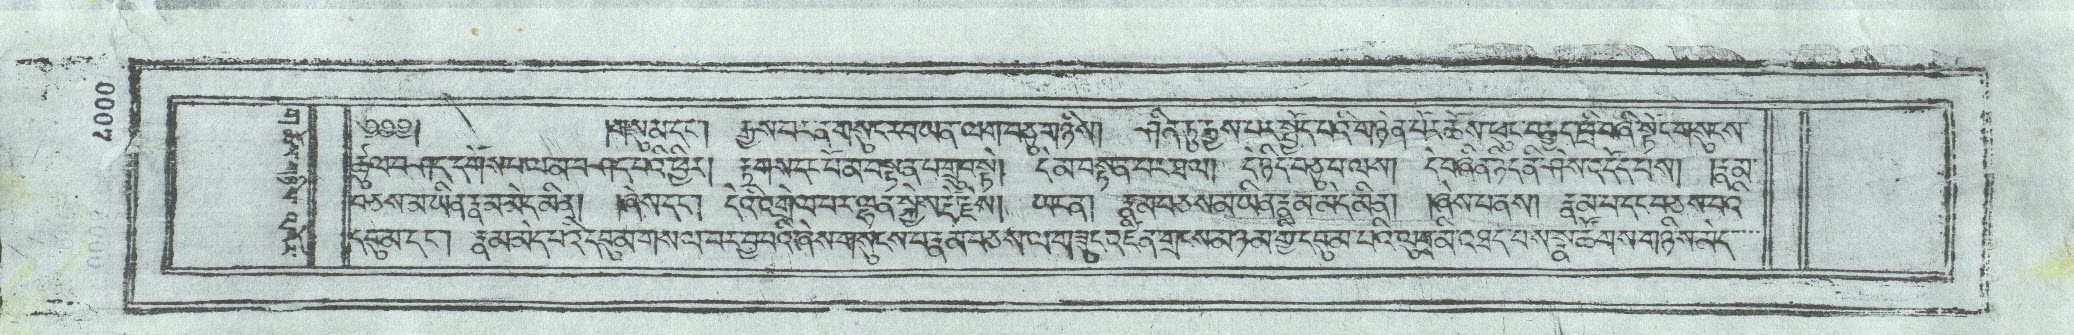༄༅༅། །གསུམ་དང་། རྒྱས་པར་ན་གསུང་རབ་ཡན་ལག་བཅུ་གཉིས། ཤིན་ཏུ་རྒྱས་པར་སྤྱོད་པའི་གཉེན་པོར་ཆོས་ཕུང་བརྒྱད་ཁྲི་བཞི་སྟོང་གསུངས་
ཚུལ་བཤད་དགོས་པ་ལ་མ་བཤད་པའི་ཕྱིར། རྟགས་དང་པོ་མ་བསྟན་པ་གྲུབ་སྟེ། དེ་མ་བསྟན་པར་ཐལ། དེ་ཉིད་བཅུ་པ་ལས། དེ་བཞིན་ཉིད་ནི་ཤེས་འདོད་པས། །རྣམ་
བཅས་མ་ཡིན་རྣམ་མེད་མིན། །ཞེས་དང་། དེའི་འགྲེལ་པ་ལྷན་སྐྱེས་རྡོ་རྗེས། ཡང་ན། རྣམ་བཅས་མ་ཡིན་རྣམ་མེད་མིན། །ཞེས་པ་ནས། རྣམ་པ་དང་བཅས་པའི་
དབུ་མ་དང་། རྣམ་མེད་པའི་དབུ་མ་གསལ་བར་བྱ་བའི་ཞེས་གསུངས་པ་རྣམ་བཅས་ལ་གཟུང་འཛིན་གྲངས་མཉམ་གྱི་དབུ་མ་པའི་ལུགས་མི་འཐད་པས་སྣ་ཚོགས་གཉིས་མེད་